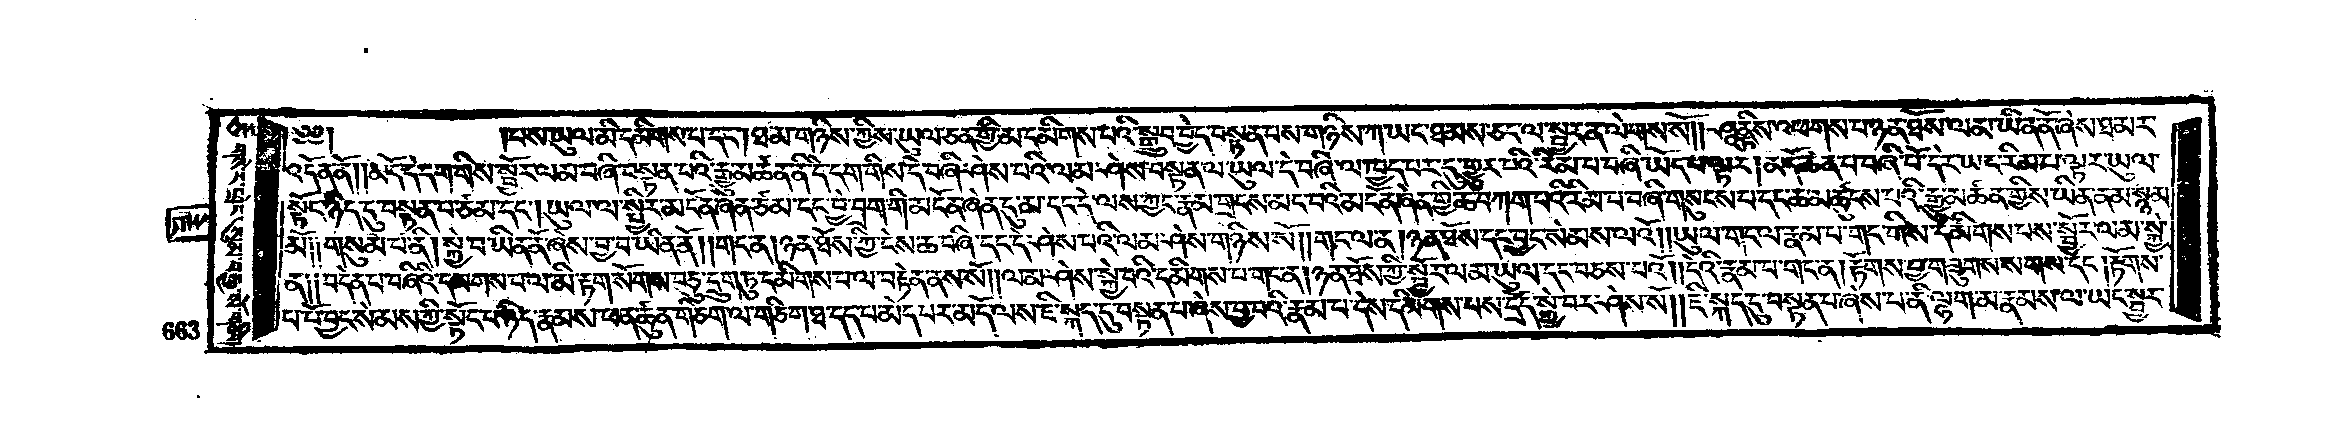༄༅། །པས་ཡུལ་མི་དམིགས་པ་དང་། ཐ་མ་གཉིས་ཀྱིས་ཡུལ་ཅན་གྱི་མ་དམིགས་པའི་སྒྲུབ་བྱེད་བསྟན་པས་གཉིས་ཀ་ཡང་ཐམས་ཅད་ལ་སྦྱར་ན་ལེགས་སོ། །ཤཱནྟིས་འཕགས་པ་ཉན་ཐོས་ལམ་ཡིན་ནོ་ཞེས་ཐ་མར་
འདོན་ནོ། །མདོ་དེ་དག་གིས་སྦྱོར་ལམ་བཞི་བསྟན་པའི་རྒྱུ་མཚན་ནི་དེ་དག་གིས་དེ་བཞི་ཤེས་པའི་ལམ་ཤེས་བསྟན་ལ་ཡུལ་དེ་བཞི་ལ་ཁྱད་པར་དུ་གྱུར་པའི་རིམ་པ་བཞི་ཡོད་པ་ལྟར། མདོ་ཆེན་པ་བཞི་པོ་དེར་ཡང་རིམ་པ་ལྟར་ཡུལ་
སྟོང་ཉིད་དུ་བསྟན་པ་ཙམ་དང་། ཡུལ་ལ་སྤྱིར་མངོན་ཞེན་ཙམ་དང་བྱེ་བྲག་གི་མངོན་ཞེན་དུ་མ་དང་དེ་ལས་ཀྱང་རྣམ་གྲངས་མང་བའི་མངོན་ཞེན་གྱི་ཆ་བཀག་པའི་རིམ་པ་བཞི་གསུངས་པ་དང་ཆ་མཚུངས་པའི་རྒྱུ་མཚན་གྱིས་ཡིན་ནམ་སྙམ་
མོ༑ ༑གསུམ་པ་ནི། སྐྱེ་བ་ཡིན་ནོ་ཞེས་བྱ་བ་ཡིན་ནོ། །གང་ན། ཉན་ཐོས་ཀྱི་ངེས་ཆ་བཞི་དང་དེ་ཤེས་པའི་ལམ་ཤེས་གཉིས་སོ། །གང་ལ་ན། ཉན་ཐོས་དང་བྱང་སེམས་ལའོ། །ཡུལ་གང་ལ་རྣམ་པ་གང་གིས་དམིགས་པས་སྦྱོར་ལམ་སྐྱེ་
ན༑ ༑བདེན་པ་བཞིའི་དམིགས་པ་ལ་མི་རྟག་སོགས་བཅུ་དྲུག་ཏུ་དམིགས་པ་ལ་བརྟེན་ནས་སོ། །ལམ་ཤེས་སྐྱེ་བའི་དམིགས་པ་གང་ན། ཉན་ཐོས་ཀྱི་སྦྱོར་ལམ་ཡུལ་དང་བཅས་པའོ། །དེའི་རྣམ་པ་གང་ན། རྟོགས་བྱ་གཟུགས་སོགས་དང་། རྟོགས་
པ་པོ་བྱང་སེམས་ཀྱི་སྟོང་པ་ཉིད་རྣམས་ཕན་ཚུན་གཅིག་ལ་གཅིག་ཐ་དད་པ་མེད་པར་མདོ་ལས་ཇི་སྐད་དུ་བསྟན་པ་ཞེས་བྱ་བའི་རྣམ་པ་དེས་དམིགས་པས་དྲོད་སྐྱེ་བར་ཤེས་སོ། །ཇི་སྐད་དུ་བསྟན་པ་ཞེས་པ་ནི་ལྷག་མ་རྣམས་ལ་ཡང་སྦྱར་